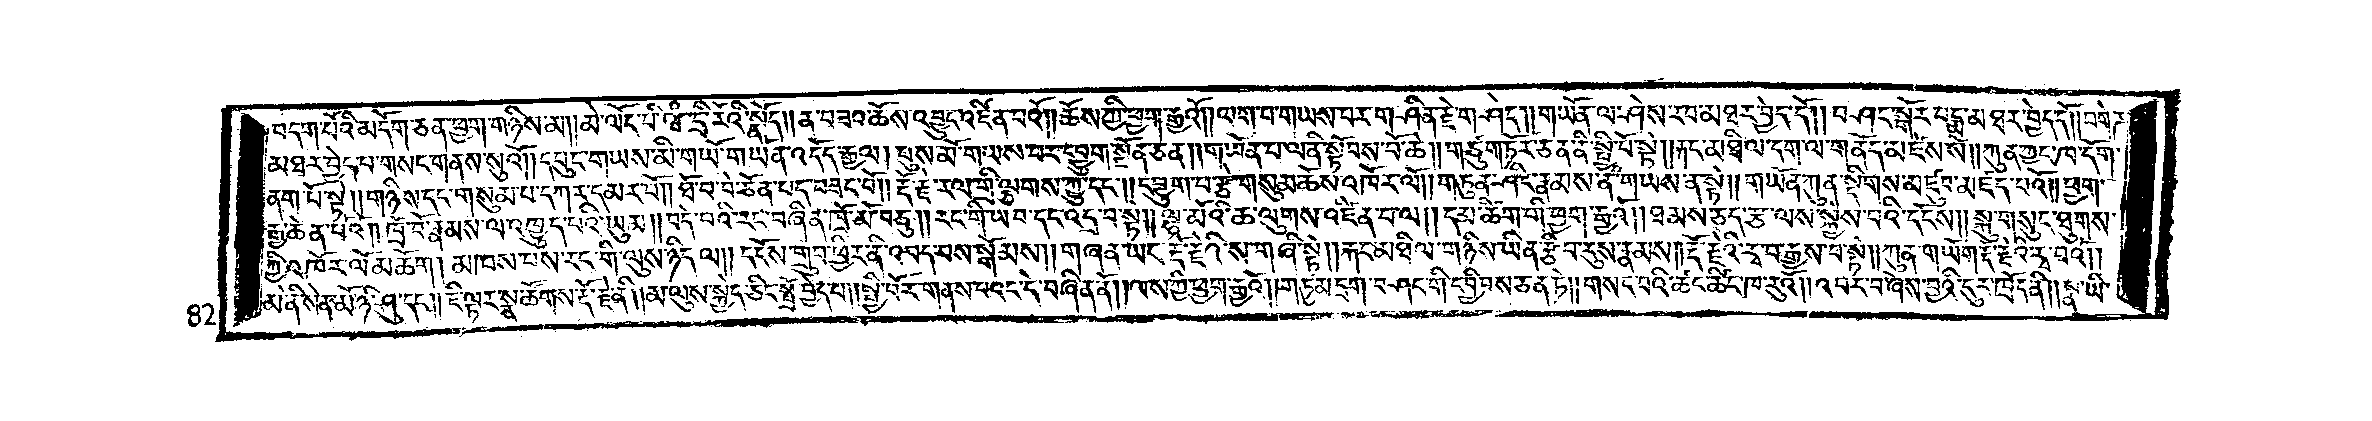བདག་པོའི་མདོག་ཅན་ཕྱག་གཉིས་མ། །མེ་ལོང་པི་ཝཾ་དྲི་རོའི་སྣོད། །ན་བཟའ་ཆོས་འབྱུང་འཛིན་པའོ། །ཆོས་ཀྱི་ཕྱག་རྒྱའོ། །ལག་པ་གཡས་པར་གཤིན་རྗེ་གཤེད། །གཡོན་ལ་ཤེས་རབ་མཐར་བྱེད་དོ། །བཤད་སྒོར་པདྨ་མཐར་བྱེད་དོ། །བགེགས་
མཐར་བྱེད་པ་གསང་གནས་སུའོ། །དཔུང་གཡས་མི་གཡོ་གཡོན་འདོད་རྒྱལ། པུས་མོ་གཡས་པར་དབྱུག་སྔོན་ཅན། །གཡོན་པ་ལ་ནི་སྟོབས་པོ་ཆེ། །གཙུག་ཏོར་ཅན་ནི་སྤྱི་བོ་སྟེ། །རྐང་མཐིལ་དག་ལ་གནོད་མཛེས་སོ། །ཀུན་ཀྱང་ཁ་དོག་
ནག་པོ་སྟེ། །གཉིས་དང་གསུམ་པ་དཀར་དམར་པོ། །ཐོ་བ་བེ་ཅོན་པད་བཟང་པོ། །རྡོ་རྗེ་རལ་གྲི་ལྕགས་ཀྱུ་དང་། །དབྱུག་པ་རྩེ་གསུམ་ཆོས་འཁོར་ལོ། །གཏུན་ཤིང་རྣམས་ནི་གཡས་ན་སྟེ། །གཡོན་ཀུན་སྡིགས་མཛུབ་མཛད་པའོ། །ཕྱག་
རྒྱ་ཆེན་པོའོ། །ཁྲོ་བོ་རྣམས་ལ་འཁྱུད་པའི་ཡུམ། །བདེ་བའི་རང་བཞིན་ཁྲོ་མོ་བཅུ། །རང་གི་ཡབ་དང་འདྲ་བ་སྟེ། །ལྷ་མོའི་ཆ་ལུགས་འཛིན་པ་ལ། །དམ་ཚིག་གི་ཕྱག་རྒྱའོ། །ཐམས་ཅད་རྩ་ལས་སྐྱེས་པའི་དངོས། །སྐུ་གསུང་ཐུགས་
ཀྱི་འཁོར་ལོ་མཆོག །མཁས་པས་རང་གི་ལུས་ཉིད་ལ། །དངོས་གྲུབ་ཕྱིར་ནི་འབད་པས་སྒོམས། །གཞན་ཡང་རྡོ་རྗེའི་ས་གཞི་སྟེ། །རྐང་མཐིལ་གཉིས་ཡིན་རྩིབ་རུས་རྣམས། །རྡོ་རྗེའི་རVཨ་བ་རྒྱས་པ་སྟེ། །ཀུན་གཡོག་རྡོ་རྗེའི་རVཨ་བའོ། །
མེ་ནི་སེན་མོ་ཉི་ཤུ་དང་། །ཇི་ལྟར་སྣ་ཚོགས་རྡོ་རྗེ་ནི། །མ་ལུས་སྐྱེད་ཅིང་སྤྲོ་བྱེད་པ། །སྤྱི་བོར་གནས་པའང་དེ་བཞིན་ནོ། །ལས་ཀྱི་ཕྱག་རྒྱ་རྒྱའོ། །གཏུམ་དྲག་བཤད་གི་དབྱིབས་ཅན་ཏེ། །གསང་བའི་ཚང་ཚིང་ཁ་རུའོ། །འབར་བ་ཞེས་བྱའི་དུར་ཁྱོད་ནི། །སྣ་ཡི་